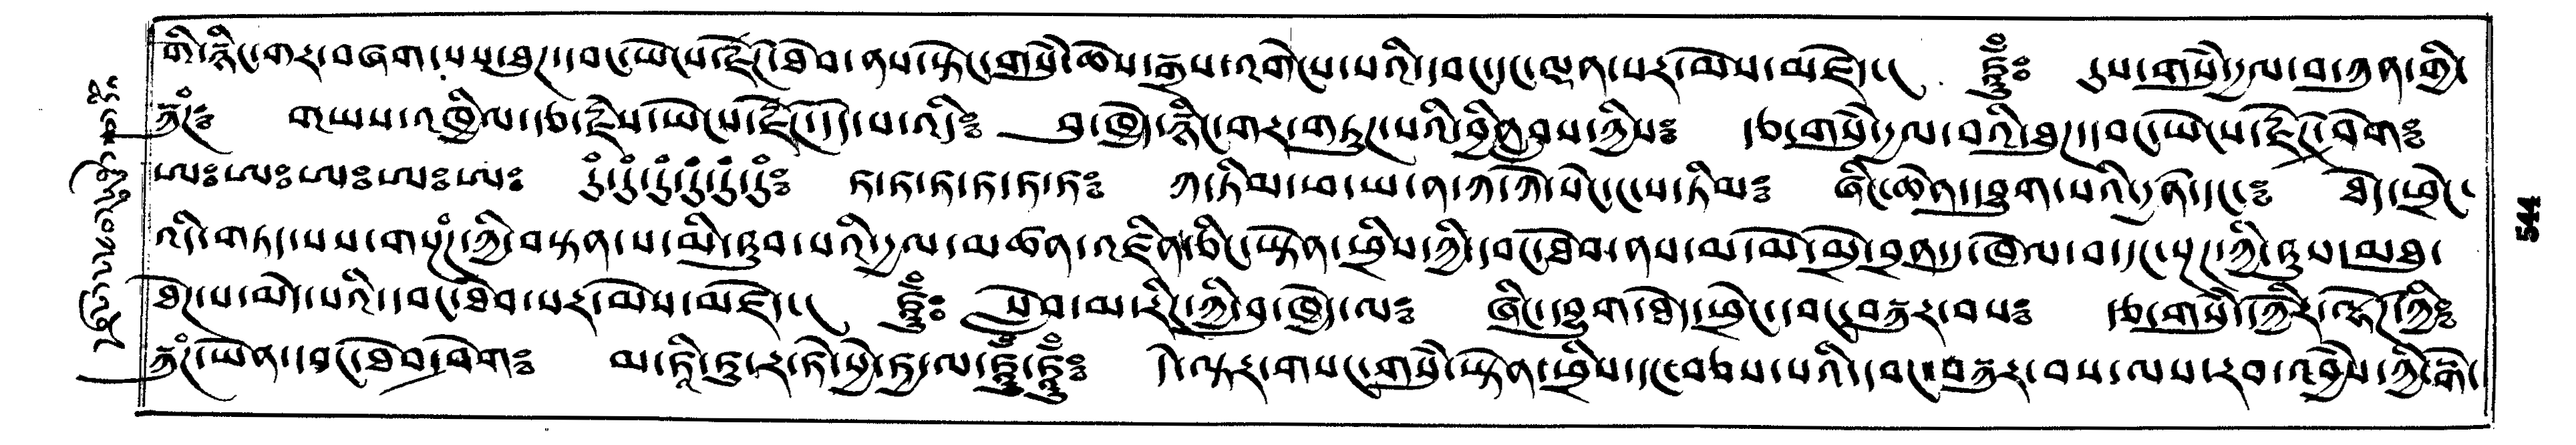གི་སྙིང་གར་བཞག་པས་ཐུགས་དབང་ཡོངས་རྫོགས་ཐོབ་ནས་སྟོང་གསུམ་ཆོས་སྒྲས་འགེངས་པའི་དབང་དང་ལྡན་པར་མོས་མཛོད། ཧཱུྃ༔ དུས་གསུམ་རྒྱལ་བ་ཀུན་ཀྱི་
སྐུ་གསུང་ཐུགས། གཡས་འཁྱིལ་རྩ་རྗེས་ཡོངས་རྫོགས་དོད་པ་འདི༔ བུ་ཁྱོད་སྙིང་གར་གཏུགས་པའི་བྱིན་རླབས་ཀྱིས༔ རྩ་གསུམ་རྒྱལ་བའི་ཐུགས་དབང་ཡོངས་རྫོགས་ཤོག༔ 
ཨཱཿཨཱཿཨཱཿཨཱཿཨཱཿ དུཾ་དུཾ་དུཾ་དུཾ་དུཾ་དུཾ༔ ཧ་ཧ་ཧ་ཧ་ཧ་ཧ༔ ཀ་ཏིམ་ཕ་ཡ་ན་ཀ་ཀོ་སེང་ང་ས་ཏིམ༔ ཞིང་ཆེན་དབྱུག་པའི་རྒྱལ་མཚན་དང༔ ཐོད་ཕྲེང་
འདི་གཏད་པས་གསང་སྔགས་ཀྱི་བསྟན་པ་མི་ནུབ་པའི་རྒྱལ་མཚན་འཛིན་ཅིང་ཡོན་ཏན་ཕྲིན་ལས་ཀྱི་དབང་ཐོབ་ནས་མ་མོ་མཁའ་འགྲོ་བྲན་དུ་ཁོལ་བ་དང་སྔགས་ཀྱི་ནུས་མཐུ་
ཐོགས་པ་མེད་པའི་དབང་ཐོབ་པར་མོས་མཛོད། ཧཱུྃ༔ སློབ་མ་རིགས་ཀྱི་བུ་ཁྱེད་ལ༔ ཞིང་དབྱུག་ཐོད་ཕྲེང་དབང་བསྐུར་བས༔ རྩ་གསུམ་དཀྱིལ་འཁོར་ལྷ་ཚོགས་ཀྱི༔ 
སྐུ་གསུང་ཐུགས་ཡོན་དབང་ཐོབ་ཤོག༔ མ་ཧཱི་ཧུ་ར་ཧྱེ་པྱེ་ཧྱ་ལ་ཧཱུྃ་ཧཱུྃ༔ དེ་ལྟར་གསང་གསུམ་ཡོན་ཏན་ཕྲིན་ལས་དང་བཅས་པའི་དབང་བསྐུར་བས་ལས་རབ་འབྱམས་ཀྱི་སྒོ་